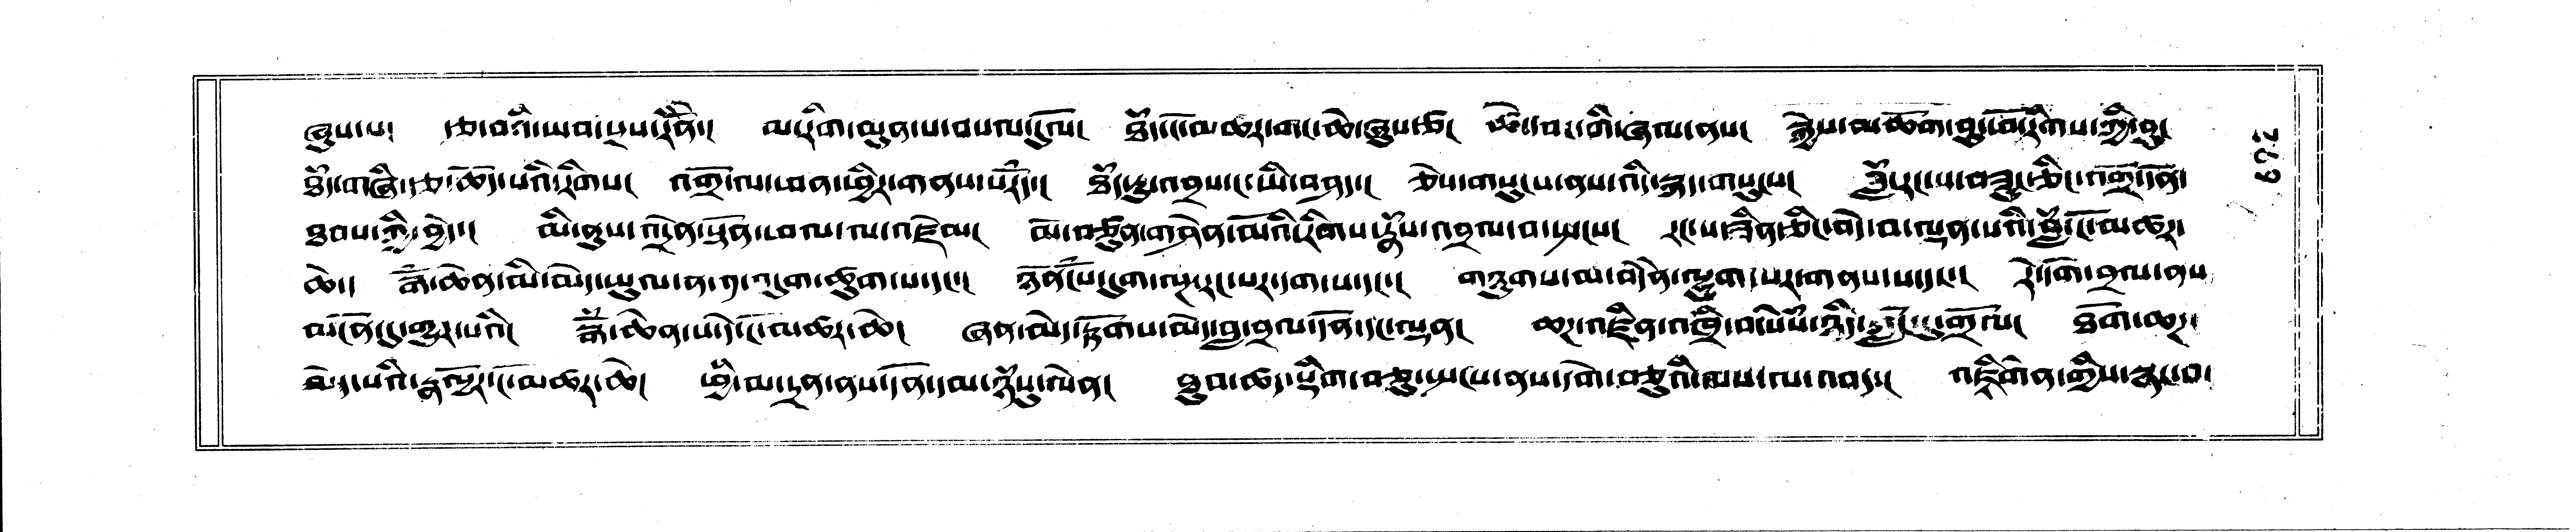༔ཞུས་པ།། རྩ་བའི་ཡབ་སྲས་རིན་པོ་ཆེ། མ་རིག་མུན་པ་བསལ་དུ་གསོལ། ཐམས་ཅད་ལ་ངོ་མཚར་གང་ཆེ་ཞུས་ཙ། ཚེ་དབང་གིས་ཞལ་ནས། སྐྱེས་མཆོག་བུ་ཕོ་རིགས་གྱི་བུ། 
ཐམས་ཅད་གཞི་རྩ་ཆོད་པའི་རིགས། འགྲོ་ལ་ཕན་ཕྱིར་གསན་པར་མཛོད། ཐམས་ཅད་རྒྱུ་འབྲས་ངའི་༼ང་ཡིས༽བཤད། གསུངས་ནས་འདི་སྐད་གསུངས། བླ་མའི་རང་ས་བཟུང་ཅིང་འགྲོ་དོན་ཐབས་
ཀྱི་བྱེད། མི་ནུས་འདྲེན་སྟོན་ཕར་ལ་འཛེམས། མོ་བཙུན་གཤེན་མོའི་རིགས་རྣམས་ཀྲ་པར་’འབྲེལབ’སྤང་། རང་ས་ཟིན་ཅིང་བདེ་བ་དང་ལྡན་པའི་བླ་མ་ངོ་མཚར་
ཆེ། སྒོམས་ཆེན་མི་མེད་ཡུལ་དུ་གཅིག་འདུག་ཚུག་པ་དང་། ཉོན་མོངས་དུག་ལྔ་རང་སར་དངས། གཉུག་མ་བདེ་ཆེན་ལྷུག་པར་གནས་པ་དང་། རེ་དོག་བྲལ་ནས་
མངོན་དུ་གྱུར་པའི། སྒོམས་ཆེན་ངོ་མཚར་ཆེ། ཞེན་མེད་རྟོག་མེད་བློ་བྲལ་དོན་དང་ལྡན། ཆགས་འཛིན་འཁྲི་བ་བསམ་གྱིས་ཀློང་དུ་གྲོལ། ཐོག་ཆགས་མེད་
པའི་རྣལ་བྱོར་ངོ་མཚར་ཆེ། ཕྱི་མ་དྲན་པས་དོན་དམ་ཉམས་སུ་ལེན། ཐུབ་ཚད་སྡིག་བཅུ་སྤང་ཅིང་། ནུས་ཚད་དགེ་བཅུ་ལེན། འཇིག་རྟེན་སྣང་བ་